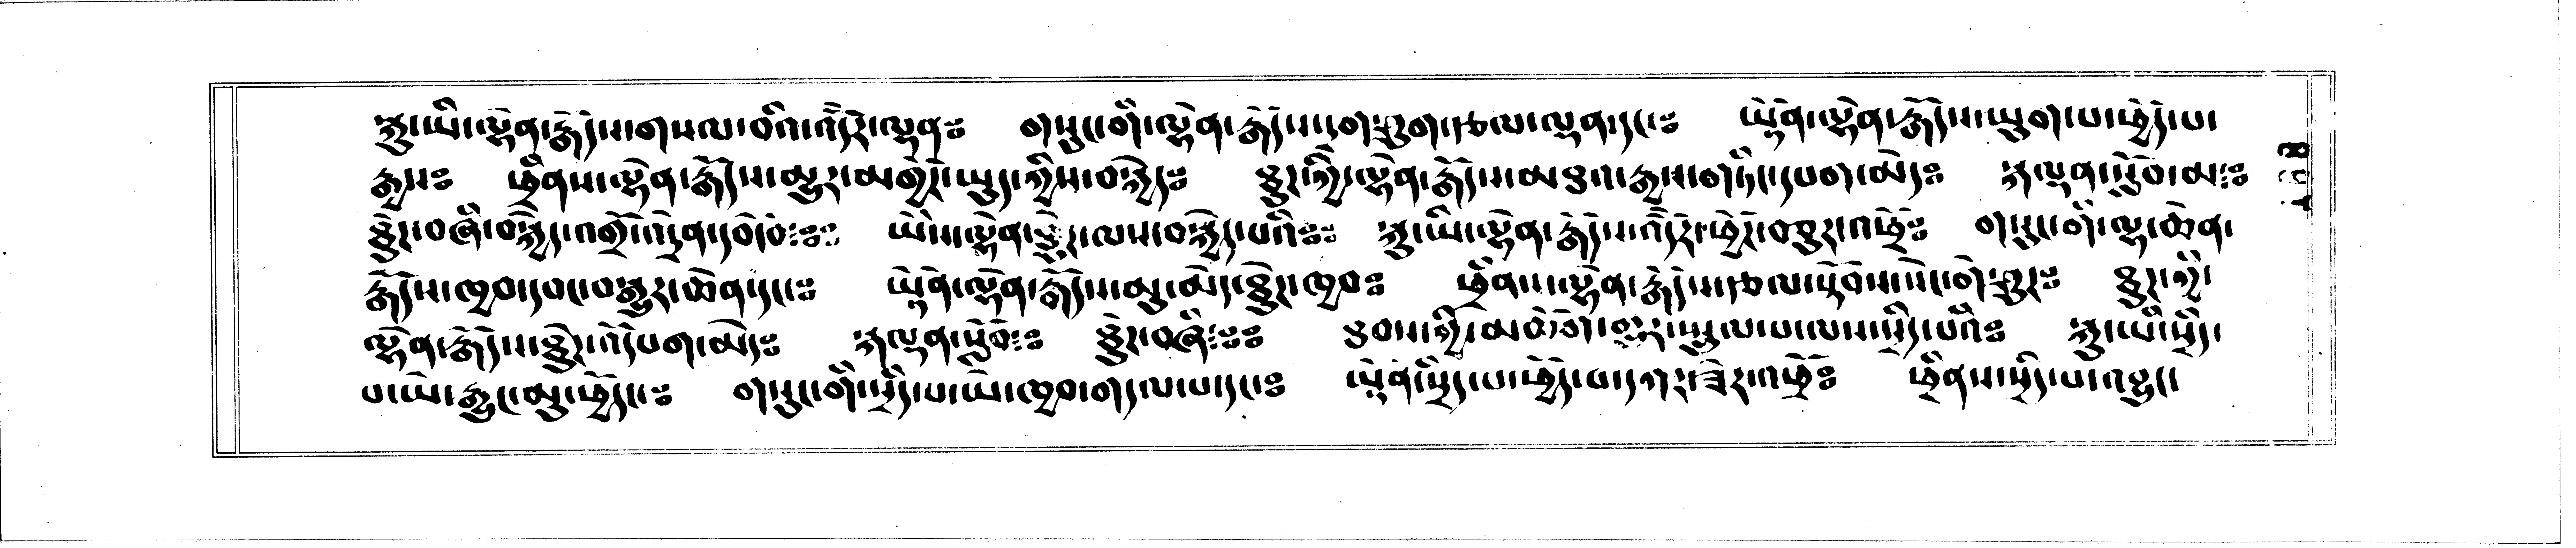སྐུ་ཡི་ལྷ་ཆེན རྒོད་གསས་གསལ་བའི་འོད་ཟེར་ལྡནཿ གསུང་གི་ལྷ་ཆེན་རྒོད་གསས་དྲག་ཤུགས་རྩལ་ལྡན་དངཿ ཡོན་ཏན་གྱི་ལྷ་ཆེན་རྒོད་གསས་ཡུག་པ་ཕྱོད་པ་
རྒྱསཿ ཕྲིན་ལས་ལྷ་ཆེན་རྒོད་གསས་མྱུར་མགྱོགས་ཡུད་ཀྱིས་སྐྱོདཿ ཐུགས་ཀྱི་ལྷ་ཆེན་རྒོད་གསས་མཐའ་རྒྱས་གཏིང་དཔག་མེདཿ སྐལ་ལྡན་སློབ་མ་རྣམས་ལ་དབང་བསྐུར་བསཿ 
ཐུགས་རྗེ་བཞི་བསྐྱེད་འགྲོ་འདྲེན་དབང་ཐོབ་ཤོགཿ ཡེ་ཤེས་ལྷ་ཆེན་ཐུགས་རྗེ་ལས་བསྐྱེད་པའིཿ སྐུ་ཡི་ལྷ་ཆེན་རྒོད་གསས་འོད་ཟེར་ཕྱོགས་བཅུར་འཕྲོཿ གསུང་གི་ལྷ་ཆེན་
རྒོད་གསས་ཁྱབ་དབང་སྒྱུར་ཆེན་དངཿ ཡོན་ཏན་ལྷ་ཆེན་རྒོད་གསས་མུ་མེད་ཐུགས་རྗེས་ཁྱབཿ ཕྲིན་ལས་ལྷ་ཆེན་རྒོད་གསས་རྩལ་སྟོབས་སེང་གེའི་ཤུགས་ལ་ཕྱག་འཚལ་ལོཿ ཐུགས་ཀྱི་
ལྷ་ཆེན་རྒོད་གསས་ཐུགས་རྗེའི་འོད་དཔག་མེདཿ སྐལ་ལྡན་སློབ་མ་རྣམས་ལ་དབང་བསྐུར་བསཿ ཐུགས་རྗེ་བཞི་བསྐྱེད་འགྲོ་འདྲེན་དབང་ཐོབ་ཤོགཿ ཐབས་ཀྱི་མཆོག་གྱུར་སྤྲུལ་པ་ལས་སྲིད་པའིཿ སྐུ་ཡི་སྲིད་
པ་ཡེ་རྒྱུང་མུ་ཕྱོད་དངཿ གསུང་གི་སྲིད་པ་ཡེ་ཁྱབ་བདལ་པ་དངཿ ཡོན་ཏན་གྱི་སྲིད་པ་ཕྱོད་པ་དཀར་ཟེར་འཕྲོཿ ཕྲིན་ལས་ཀྱི་སྲིད་པ་འབྱུང་